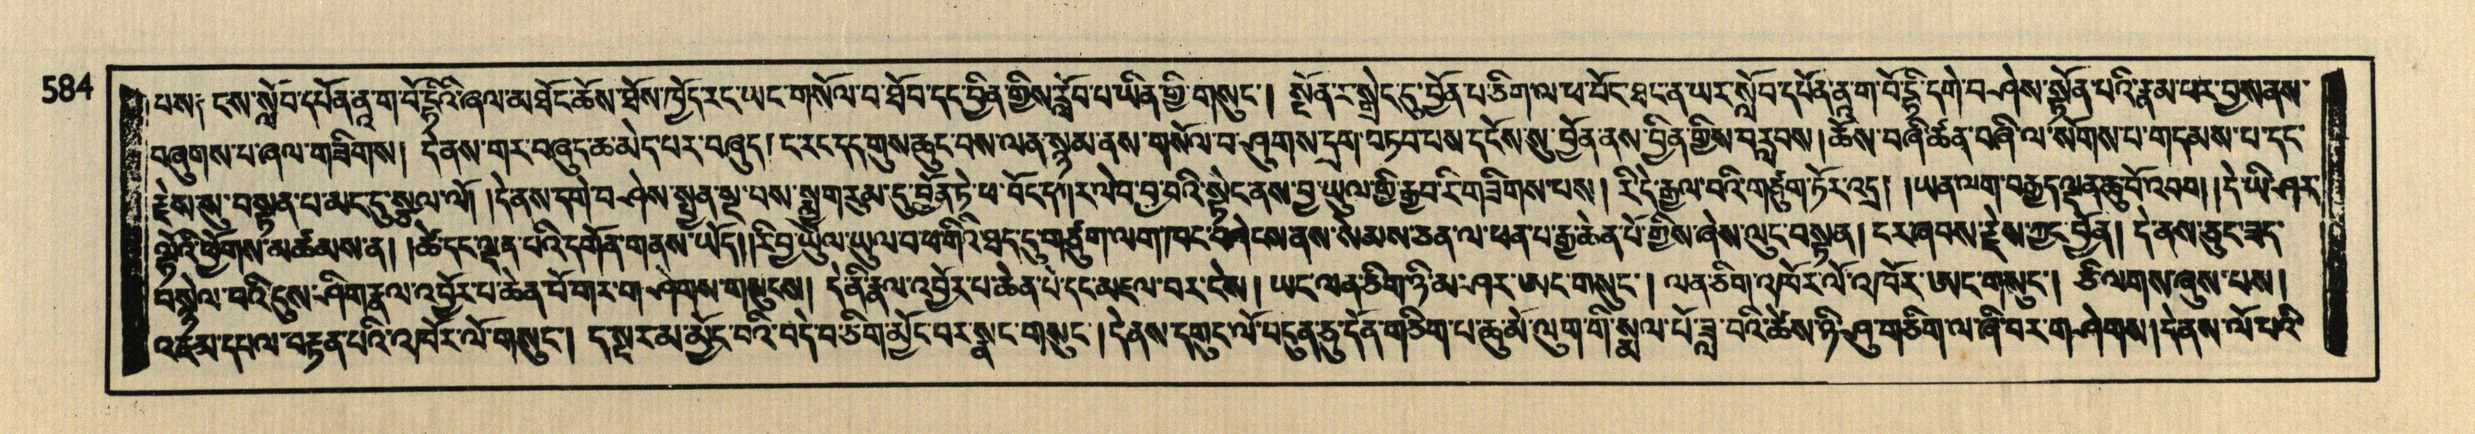པས༑ ངས་སློབ་དཔོན་ནཱ་ག་བོ་དྷིའི་ཞལ་མཐོང་ཆོས་ཐོས་ཁྱོད་རང་ཡང་གསོལ་བ་ཐོབ་དང་བྱིན་གྱིས་རློབ་པ་ཡིན་གྱི་གསུང་། སྔོན་ར་སྒྲེང་དུ་བྱོན་པ་ཅིག་ལ་ཕ་བོད་ཐང་ན་ཡར་སློབ་དཔོན་ནཱ་ག་བོ་དྷི་དགེ་བཤེས་སྟོན་པའི་རྣམ་པར་བྱས་ནས་
བཞུགས་པ་ཞལ་གཟིགས། དེ་ནས་གར་བཞུད་ཆ་མེད་པར་བཞུད། ང་རང་དད་གུས་ཆུང་བས་ལན་སྙམ་ནས་གསོལ་བ་ཤུགས་དྲག་བཏབ་པས་དངོས་སུ་བྱོན་ནས་བྱིན་གྱིས་བརླབས། ཆོས་བཞི་ཚན་བཞི་ལ་སོགས་པ་གདམས་པ་དང་
རྗེས་སུ་བསྟན་པ་མང་དུ་སྩལ་ལོ། །དེ་ནས་དགེ་བཤེས་སྤྱན་སྔ་བས་སྨྱུག་རུམ་དུ་བྱོན་ཏེ་ཕ་བོད་དཀར་ལེབ་བྱ་བའི་སྟེང་ནས་བྱ་ཡུལ་གྱི་རྒྱབ་རི་གཟིགས་པས། རི་དེ་རྒྱལ་བའི་གཙུག་ཏོར་འདྲ། །ཡན་ལག་བརྒྱད་ལྡན་ཆུ་བོ་འབབ། །དེ་ཡི་ཤར་
ལྷོའི་ཕྱོགས་མཚམས་ན། །ཚེ་དང་ལྡན་པའི་དགོན་གནས་ཡོད། །རི་བྱ་ཡུལ་ཡུལ་བ་ཕ་གིའི་ཐད་དུ་གཙུག་ལག་ཁང་བཞེངས་ནས་སེམས་ཅན་ལ་ཕན་པ་རྒྱ་ཆེན་པོ་གྱིས་ཞེས་ལུང་བསྟན། ངར་ཞབས་རྗེས་ཀྱང་བྱོན། དེ་ནས་ཅུང་ཟད་
བསྙེལ་བའི་དུས་ཤིག་རྣལ་འབྱོར་པ་ཆེན་པོ་གར་གཤེགས་གསུངས། དེ་ནི་རྣལ་འབྱོར་པ་ཆེན་པོ་དང་མཇལ་བར་ངེས། ཡང་ལན་ཅིག་ཉི་མ་ཤར་ཨང་གསུང་། ལན་ཅིག་འཁོར་ལོ་འཁོར་ཨང་གསུང་། ཅི་ལགས་ཞུས་པས།
འཇམ་དཔལ་བརྟན་པའི་འཁོར་ལོ་གསུང་། ད་སྔར་མ་མྱོང་བའི་བདེ་བ་ཅིག་མྱོང་བར་སྣང་གསུང་།དེ་ནས་དགུང་ལོ་བདུན་ཅུ་དོན་གཅིག་པ་ཆུ་མོ་ལུག་གི་སྨལ་པོ་ཟླ་བའི་ཚེས་ཉི་ཤུ་གཅིག་ལ་ཞི་བར་གཤེགས་།དེ་ནས་ལོ་པའི་